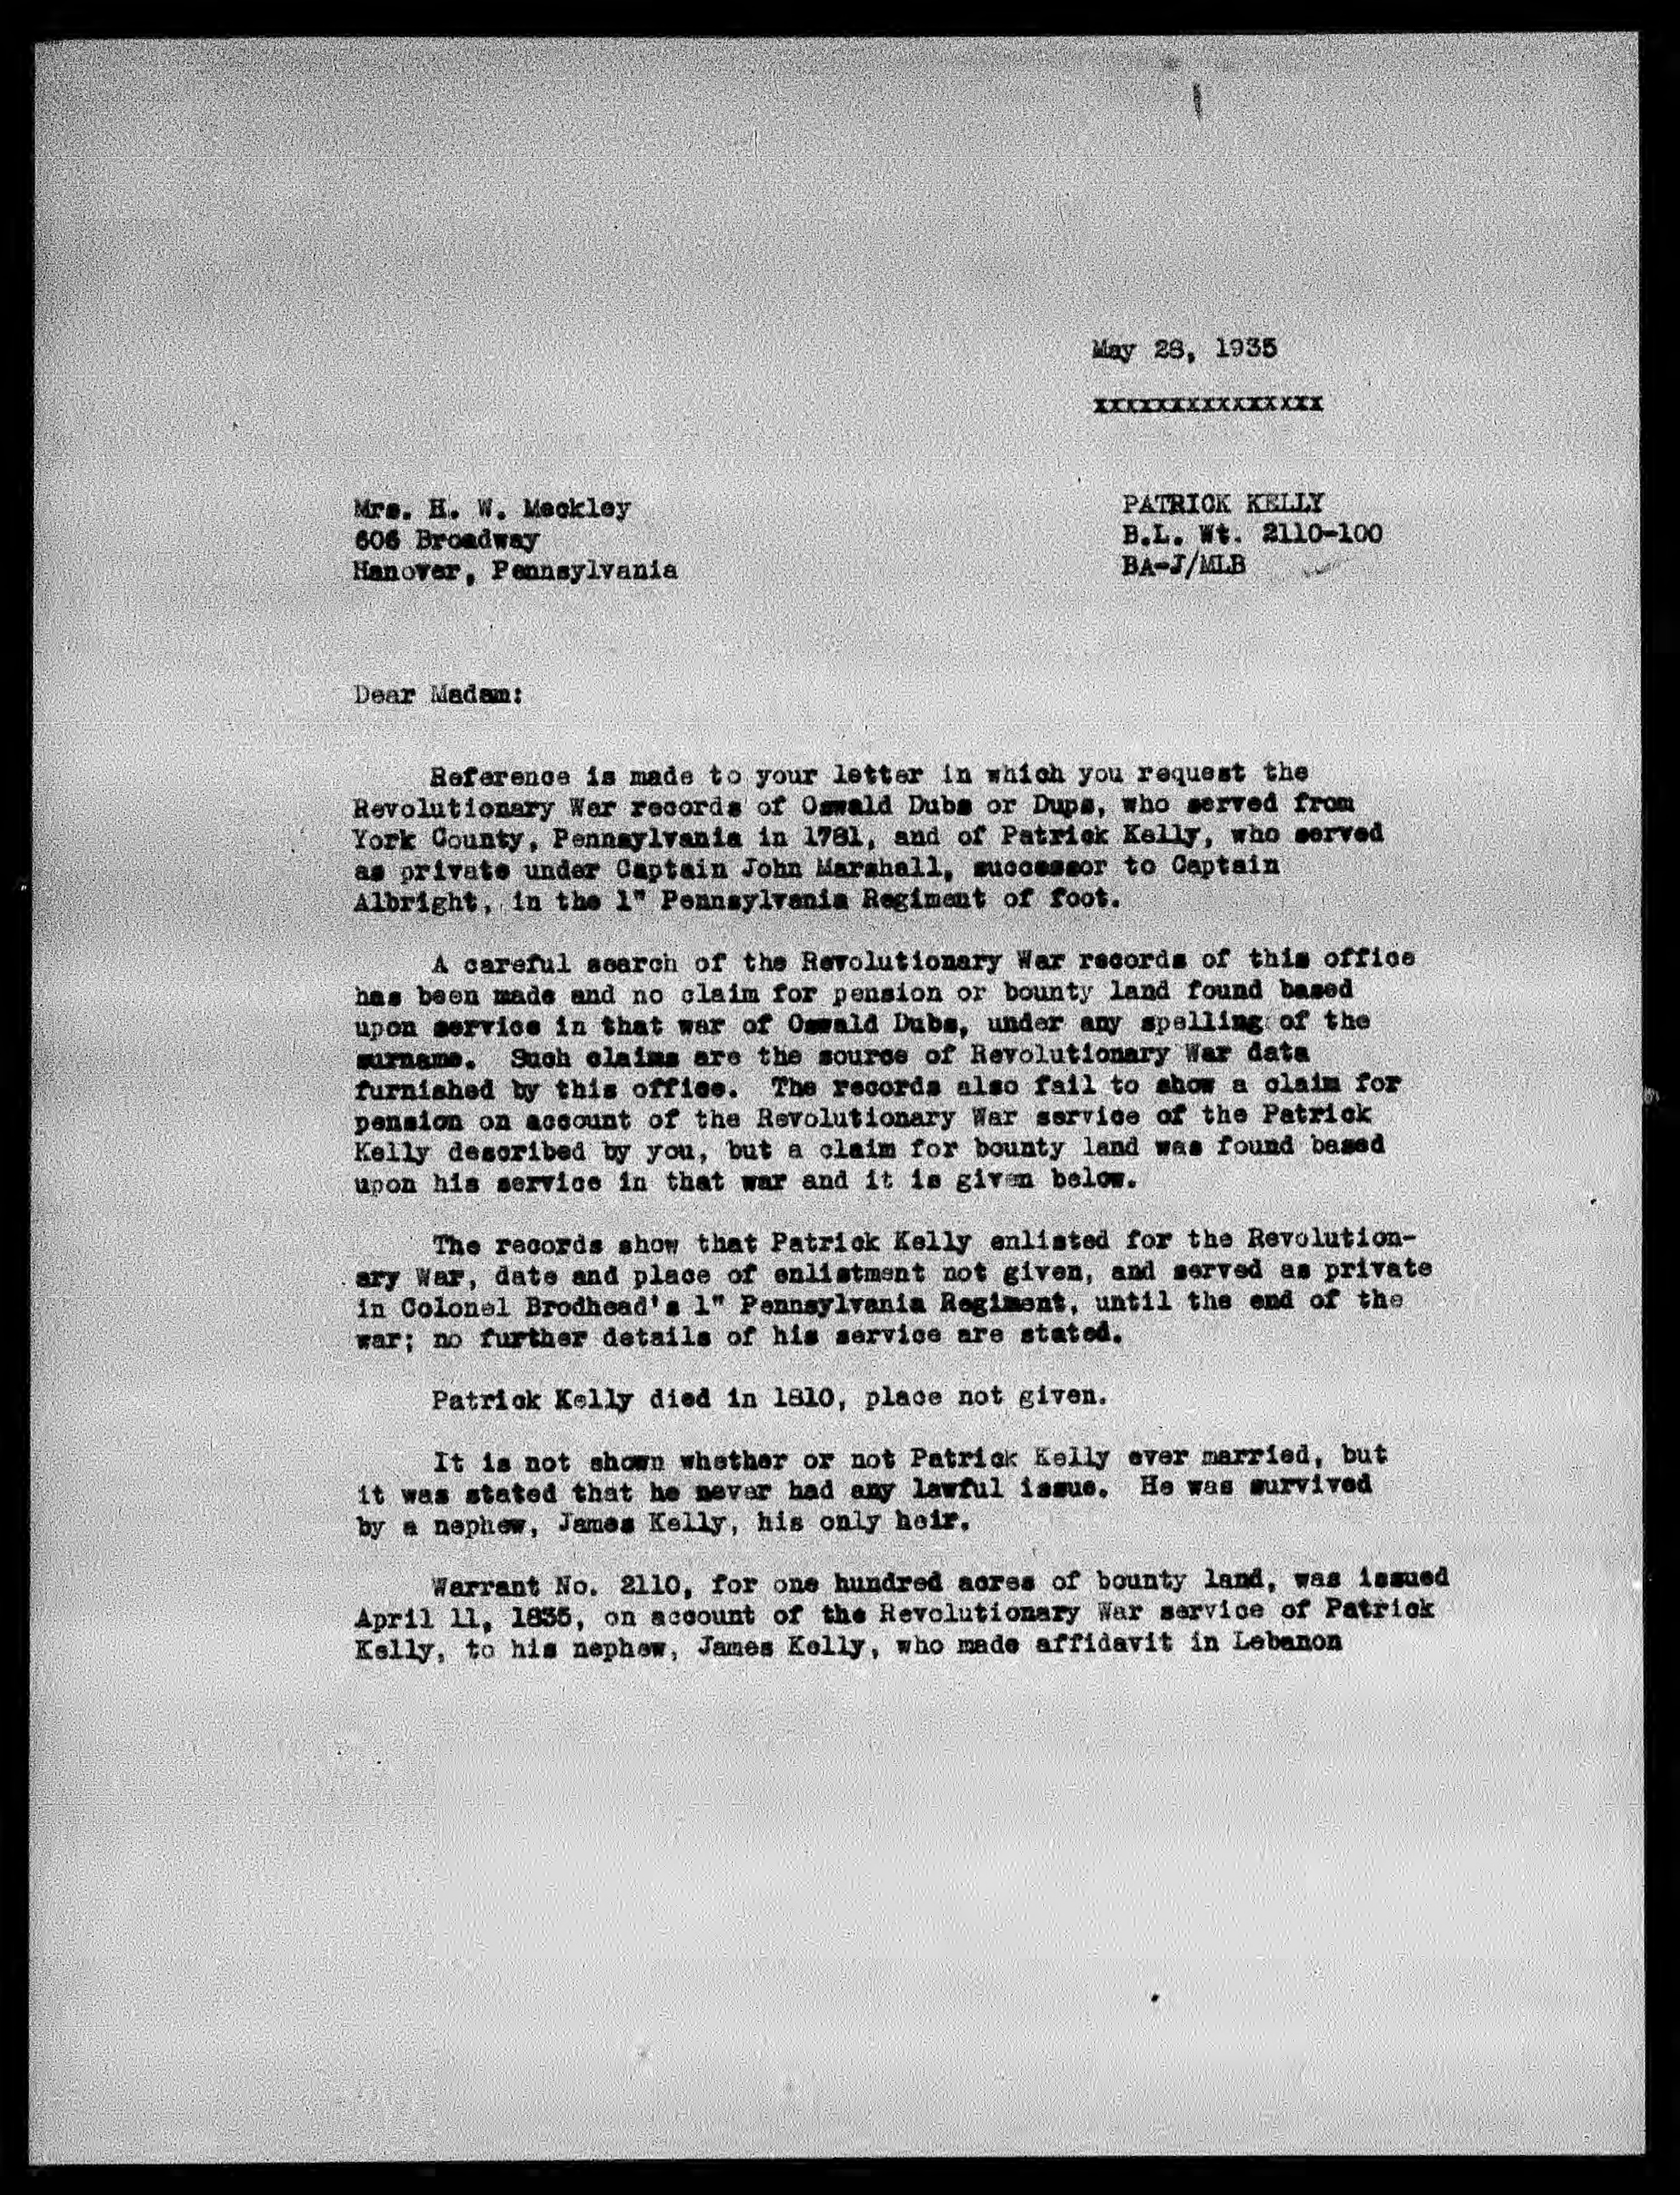May 28, 1935
                         xxxxxxxxxxxxxxxx

                         PATRICK KELLY
                         B.L.Wt. 2110-100
                         BA-J/MLB

Mrs. H.W. Meckley
606 Broadway
Hanover, Pennsylvania

Dear Madam:
     Reference is made to your letter in which you request the Revolutionary War records of Oswald Dubs or Dups, who served from York County, Pennsylvania in 1781, and of Patrick Kelly, who served as private under Captain John Marshall, successor to Captain Albright, in the 1st Pennsylvania Regiment of foot.
     A careful search of the Revolutionary War records of this office has been made and no claim for pension or bounty land found based upon service in that war of Oswald Dubs, under any spelling of the surname.  Such claims are the source of Revolutionary War data furnished by this office.  The records also fail to show a claim for pension on account of the Revolutionary War service of the Patrick Kelly described by you, but a claim for bounty land was found based upon his service in that war and it is given below.
      The records show that Patrick Kelly enlisted for the Revolutionary War, date and place of enlistment not given, and served as private in Colonel Broadhead's 1st Pennsylvania Regiment, until the end of the war; no further details of his service are stated.
     Patrick Kelly died in 1810, place not given.
     It is not shown whether or not Patrick Kelly ever married, but it was stated that he never had any lawful issue.  He was survived by a nephew, James Kelly, his only heir.
     Warrant No. 2110, for one hundred acres of bounty land, was issued April 11, 1835, on account of the Revolutionary War service of Patrick Kelly, to his nephew, James Kelly, who made affidavit in Lebanon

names: James Kelly; Patrick Kelly; John Marshall; Oswald Dubs; Oswald Dups; [BLANK] Albright; H W Meckley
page: 10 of 11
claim: bounty land warrant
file: B. L. Wt. 2110-100, for Patrick Kelly, Pennsylvania